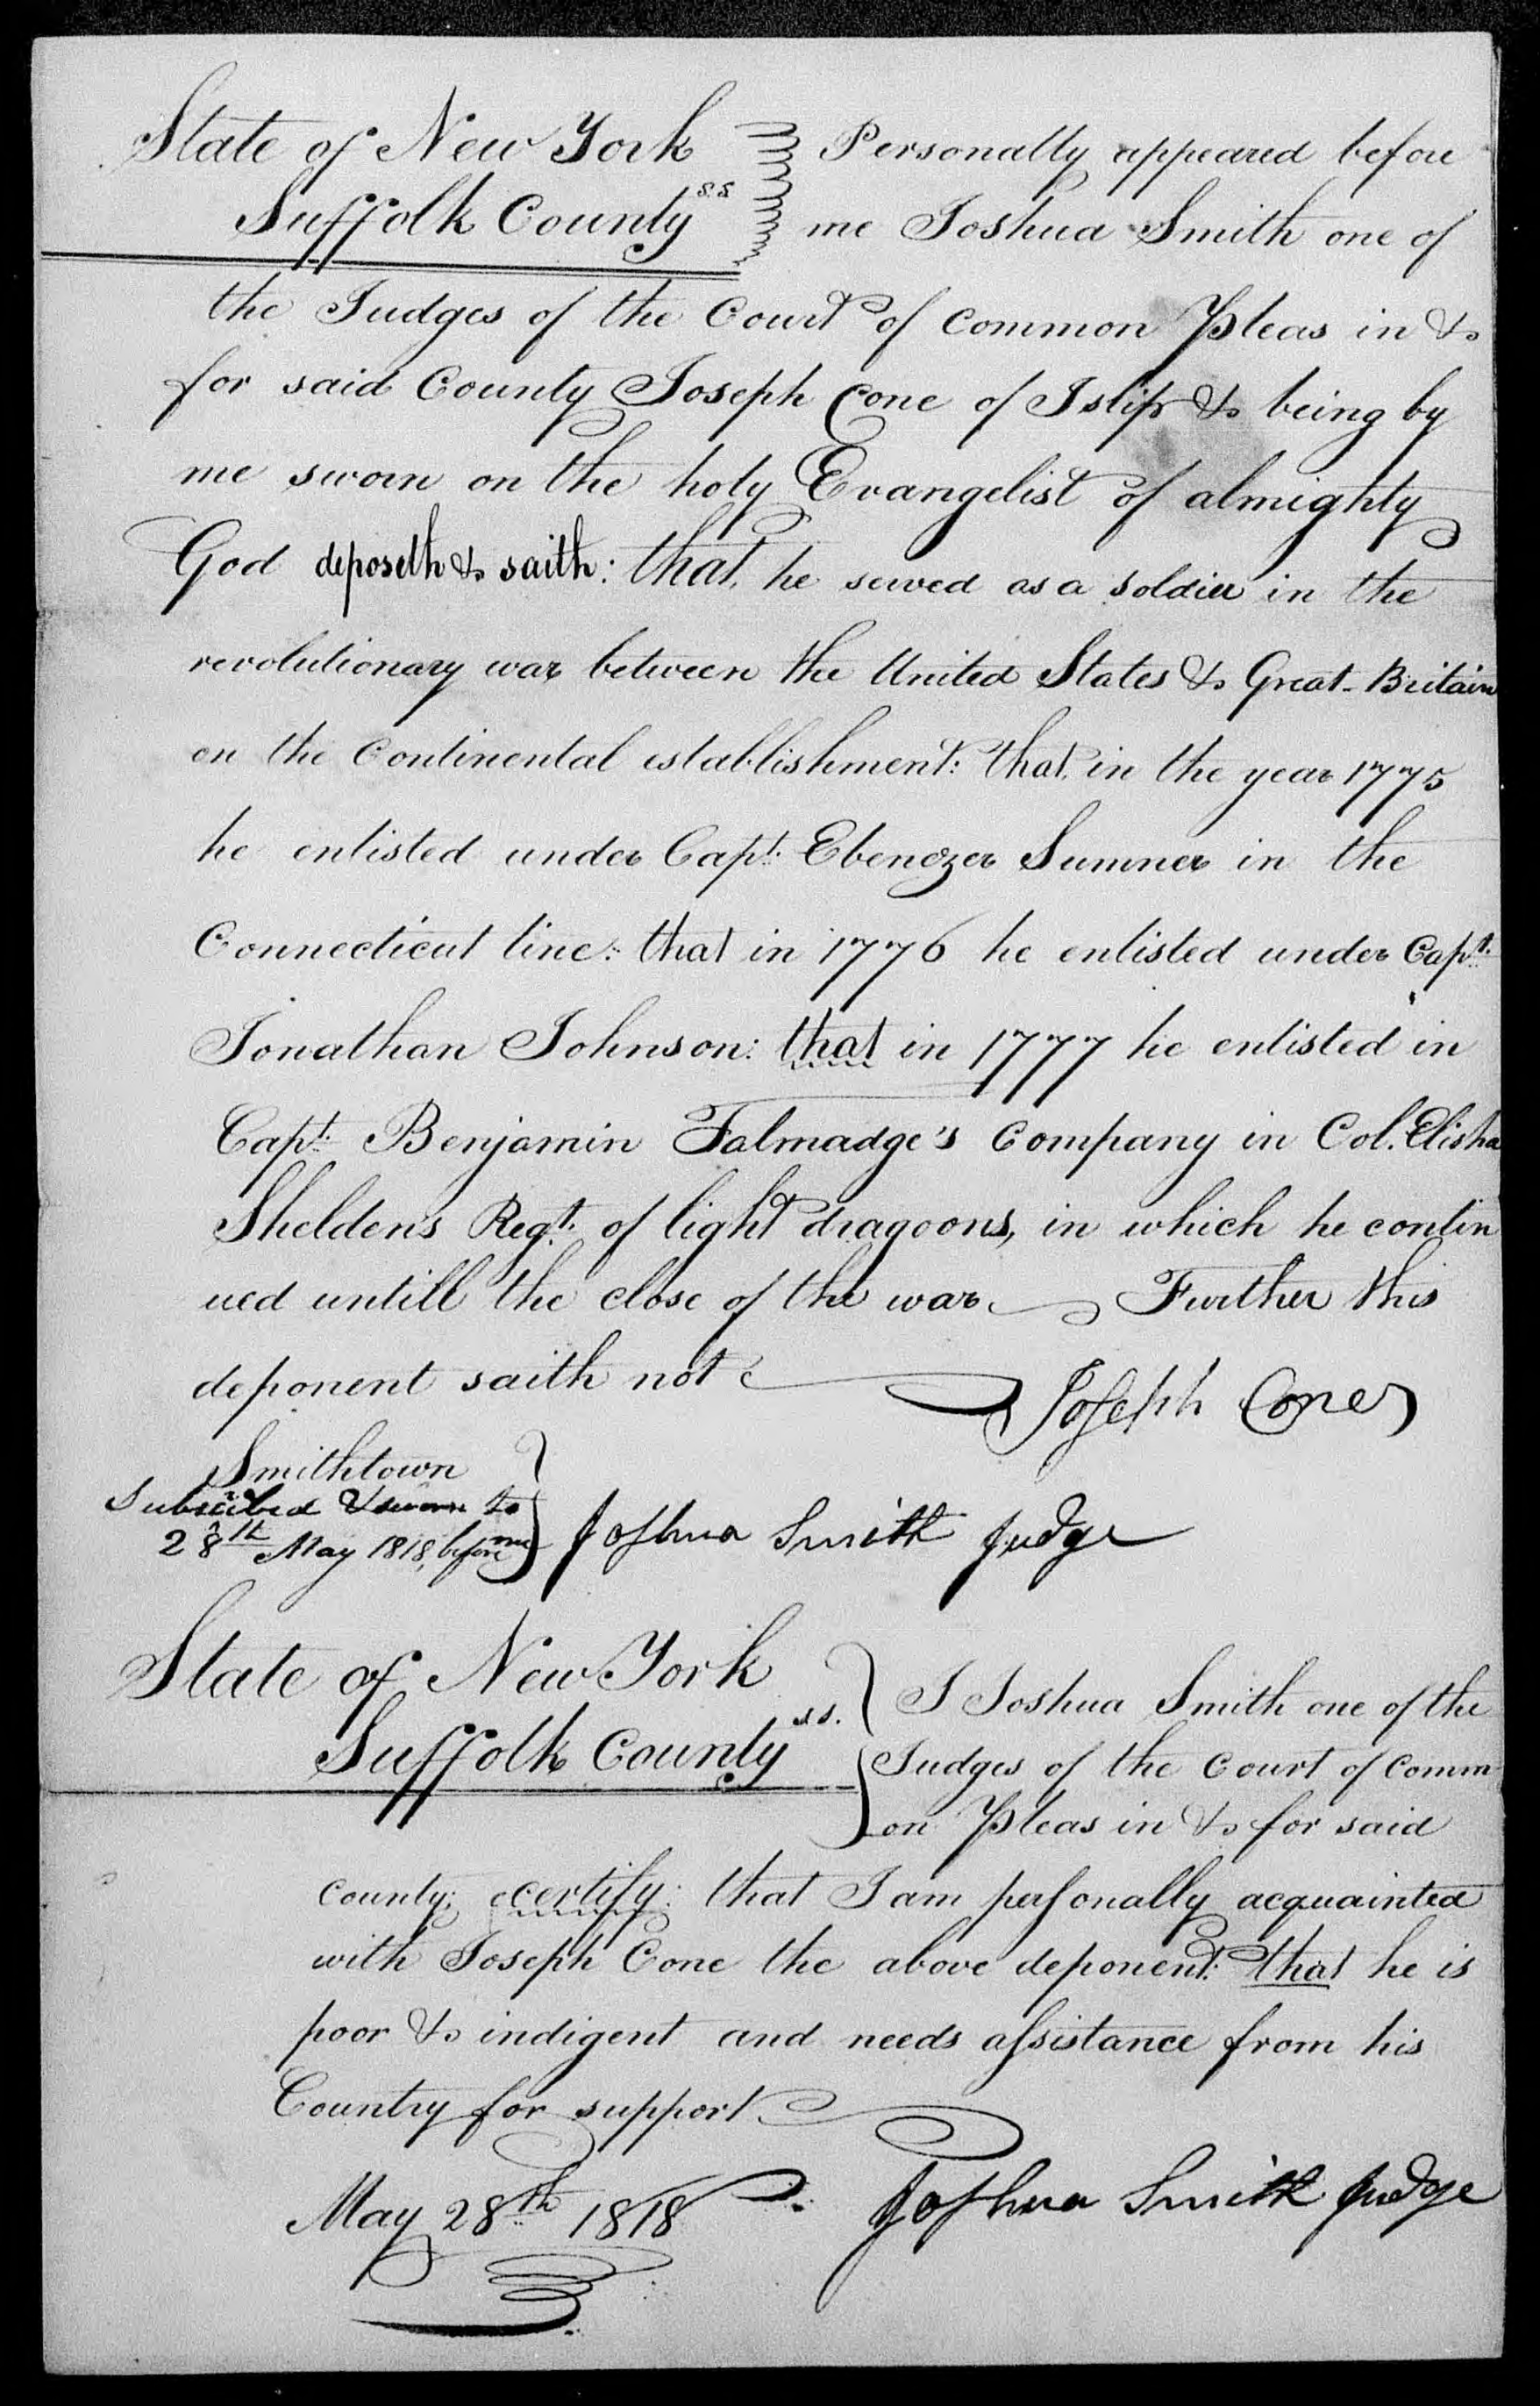State of New York | Personally appeared before
Suffolk County ss | me Joshua Smith on of the Judges of the Court of common Pleas in & for said County Joseph Cone of Islip & being by me sworn on the holy Evangelist of almighty God deposeth & saith: that, he served as a soldier in the revolutionary war between the United States & Great-Britain on the Continental establishment: that in the year 1776 he enlisted under Capt. Ebenezer Sumner in the Connecticut line: that in 1776 he enlisted under Capt. Jonathan Johnson: that [underlined] in 1777 he enlisted in Capt. Benjamin Talmadge's Company in Col. Elisha Shelden's Regt. light dragoons, in which he continued untill the close of the war ~ Further this deponent saith not ~
Joseph Cone
Smithtown
Subscribed & Sworn to
28th May 1818, before me  Joshua Smith Judge

State of New York | I Joshua Smith on of the
Suffolk County ss. | Judges of the Court of Common Pleas in & for said County: certify [underlined] that I am personally acquainted with Joseph Cone the above deponent: that [underlined] he is poor & indigent and needs assistance from his Country for support
May 28th 1818  Joshua Smith Judge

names: Ebenezer Sumner, Joseph Cone, Joshua Smith, Jonathan Johnson, Joseph Cone, Joshua Smith, Joshua Smith, Joshua Smith, Joseph Cone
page: 26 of 28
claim: survivor's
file: S. 12569, Joseph Cone, Conn Continental